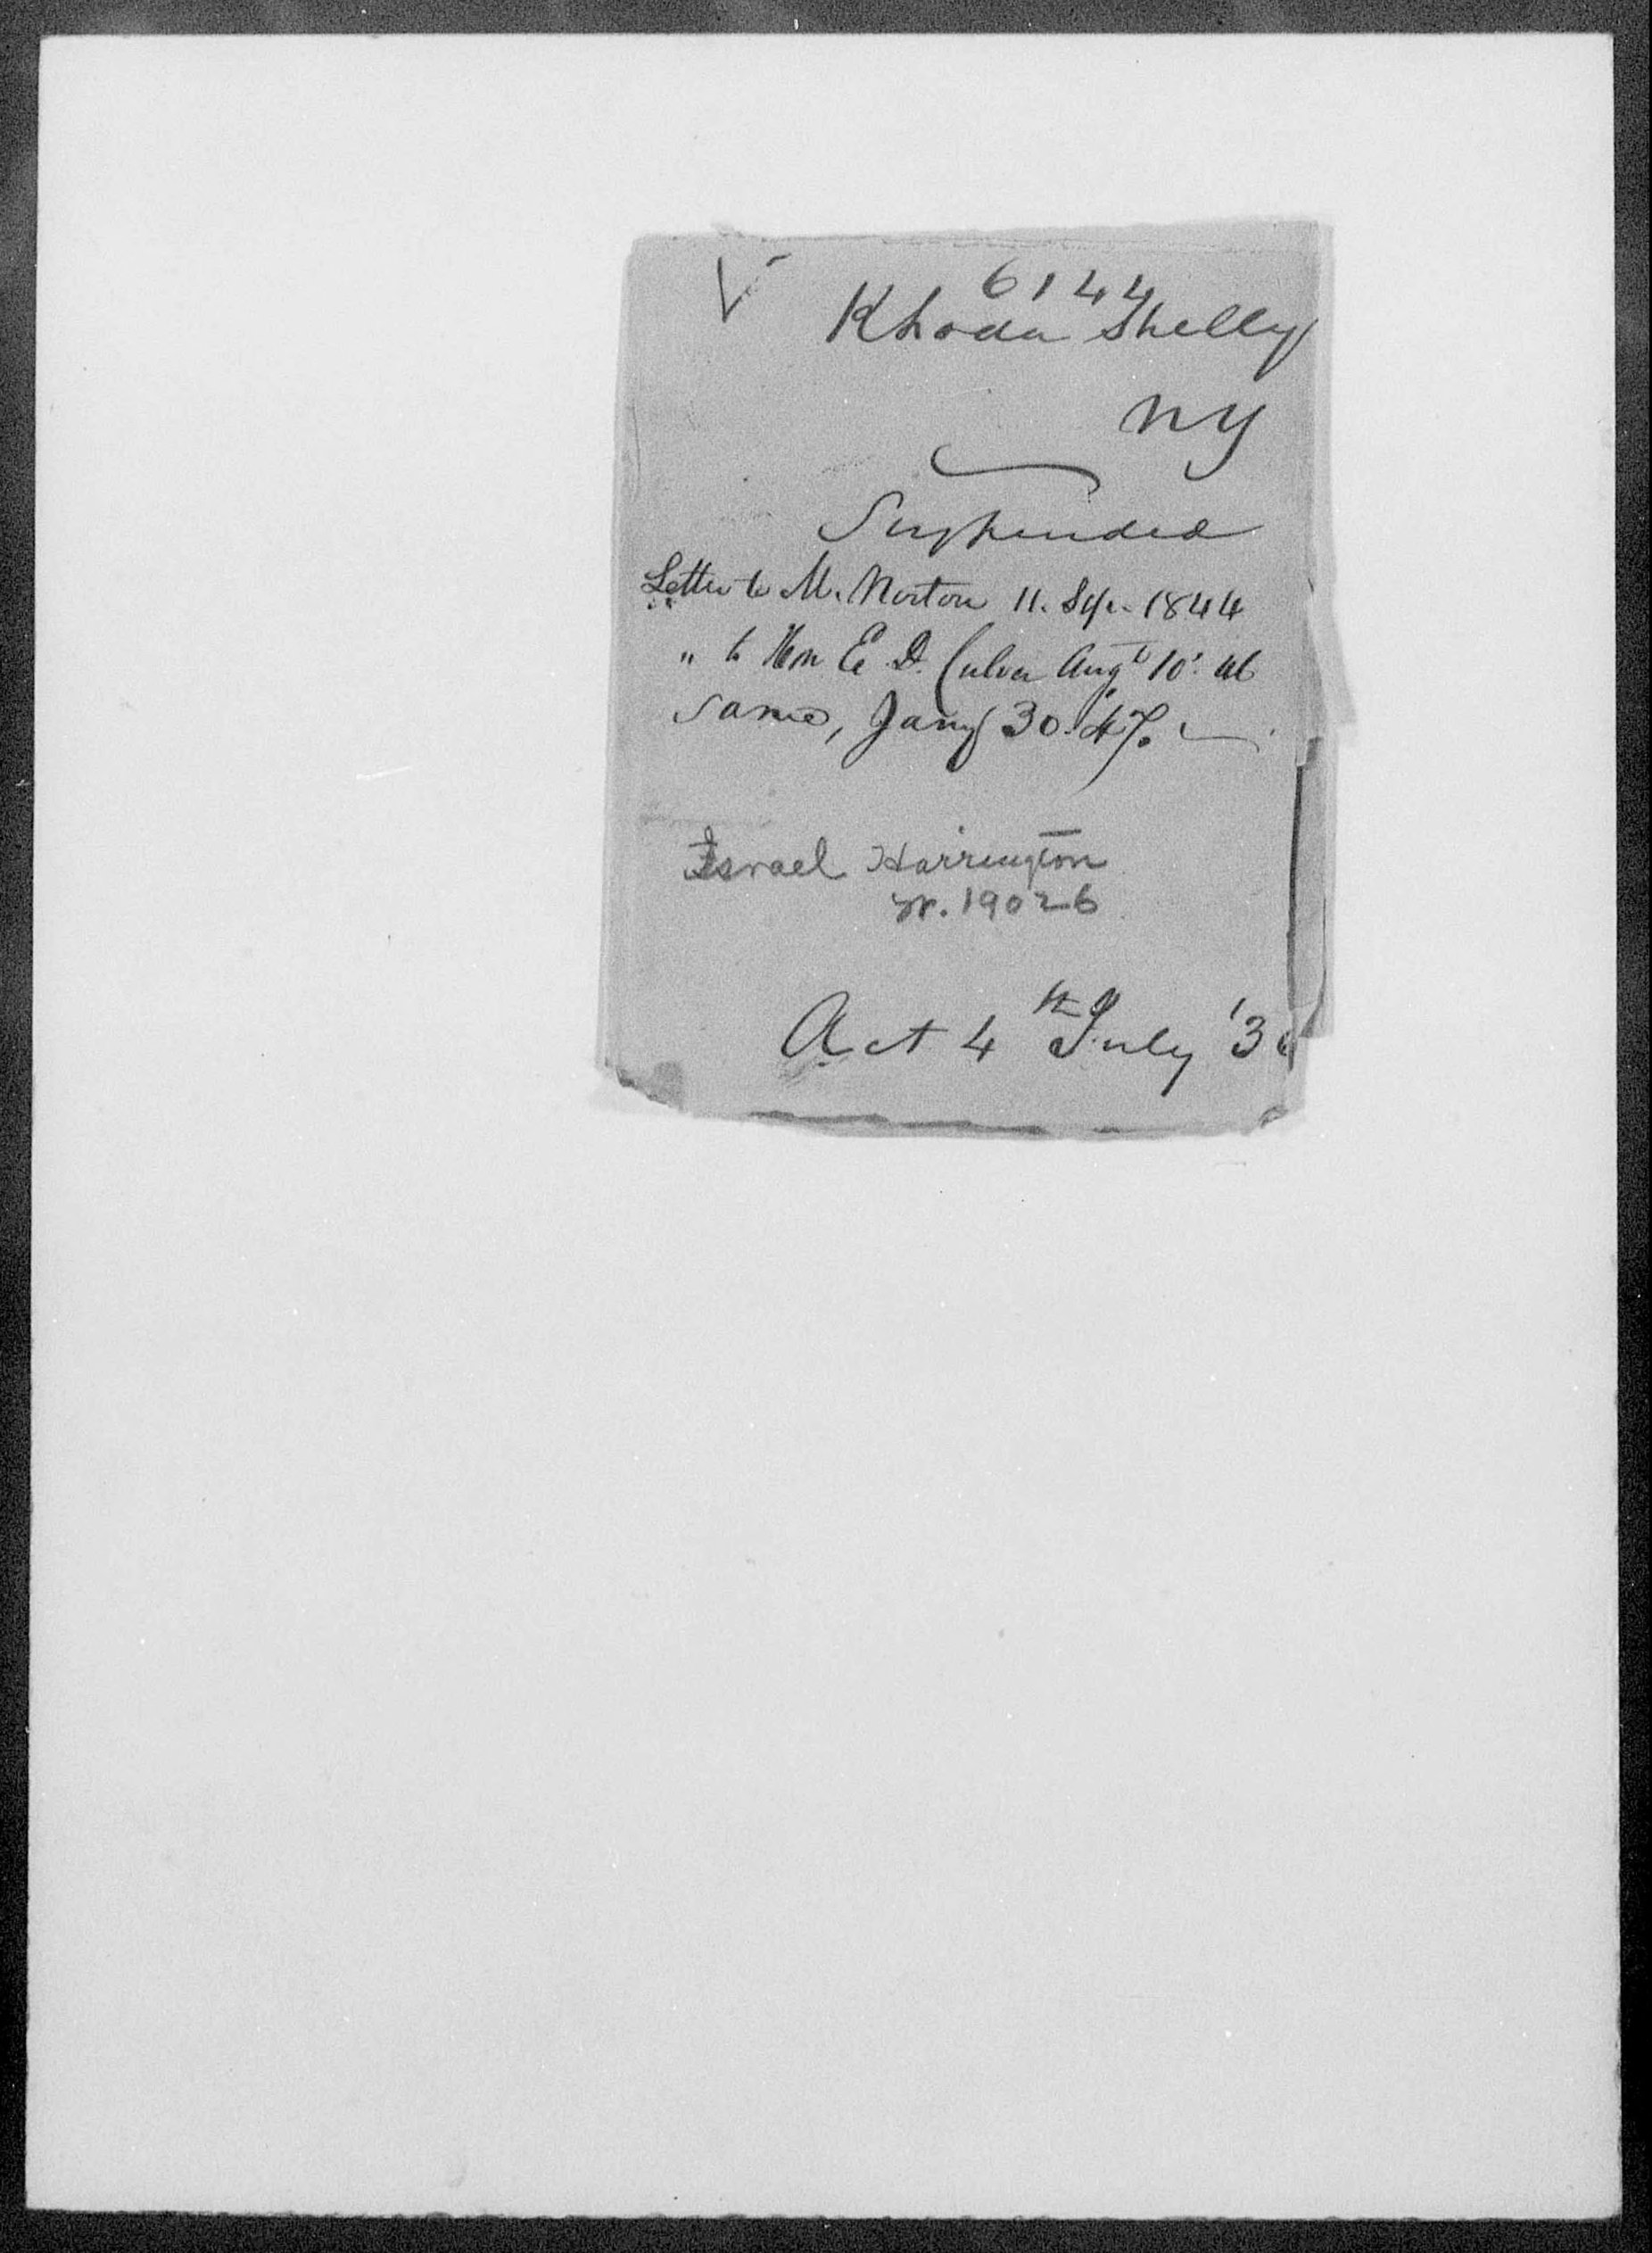6144
Rhoda Shelly
NY

Suspended
Letter to M. Norton 11. Sept. [September] 1844
" to Hon E.D. Culver Augt. [August] 10, 46
same, Jany [January] 30, 47.

Israel Harrington
W. 19026

Act 4th July '36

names: Israel Harrington, M Norton, E D Culver, Rhoda Shelly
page: 16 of 51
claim: widow's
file: W. 19,026, Israel Harrington, R.I.